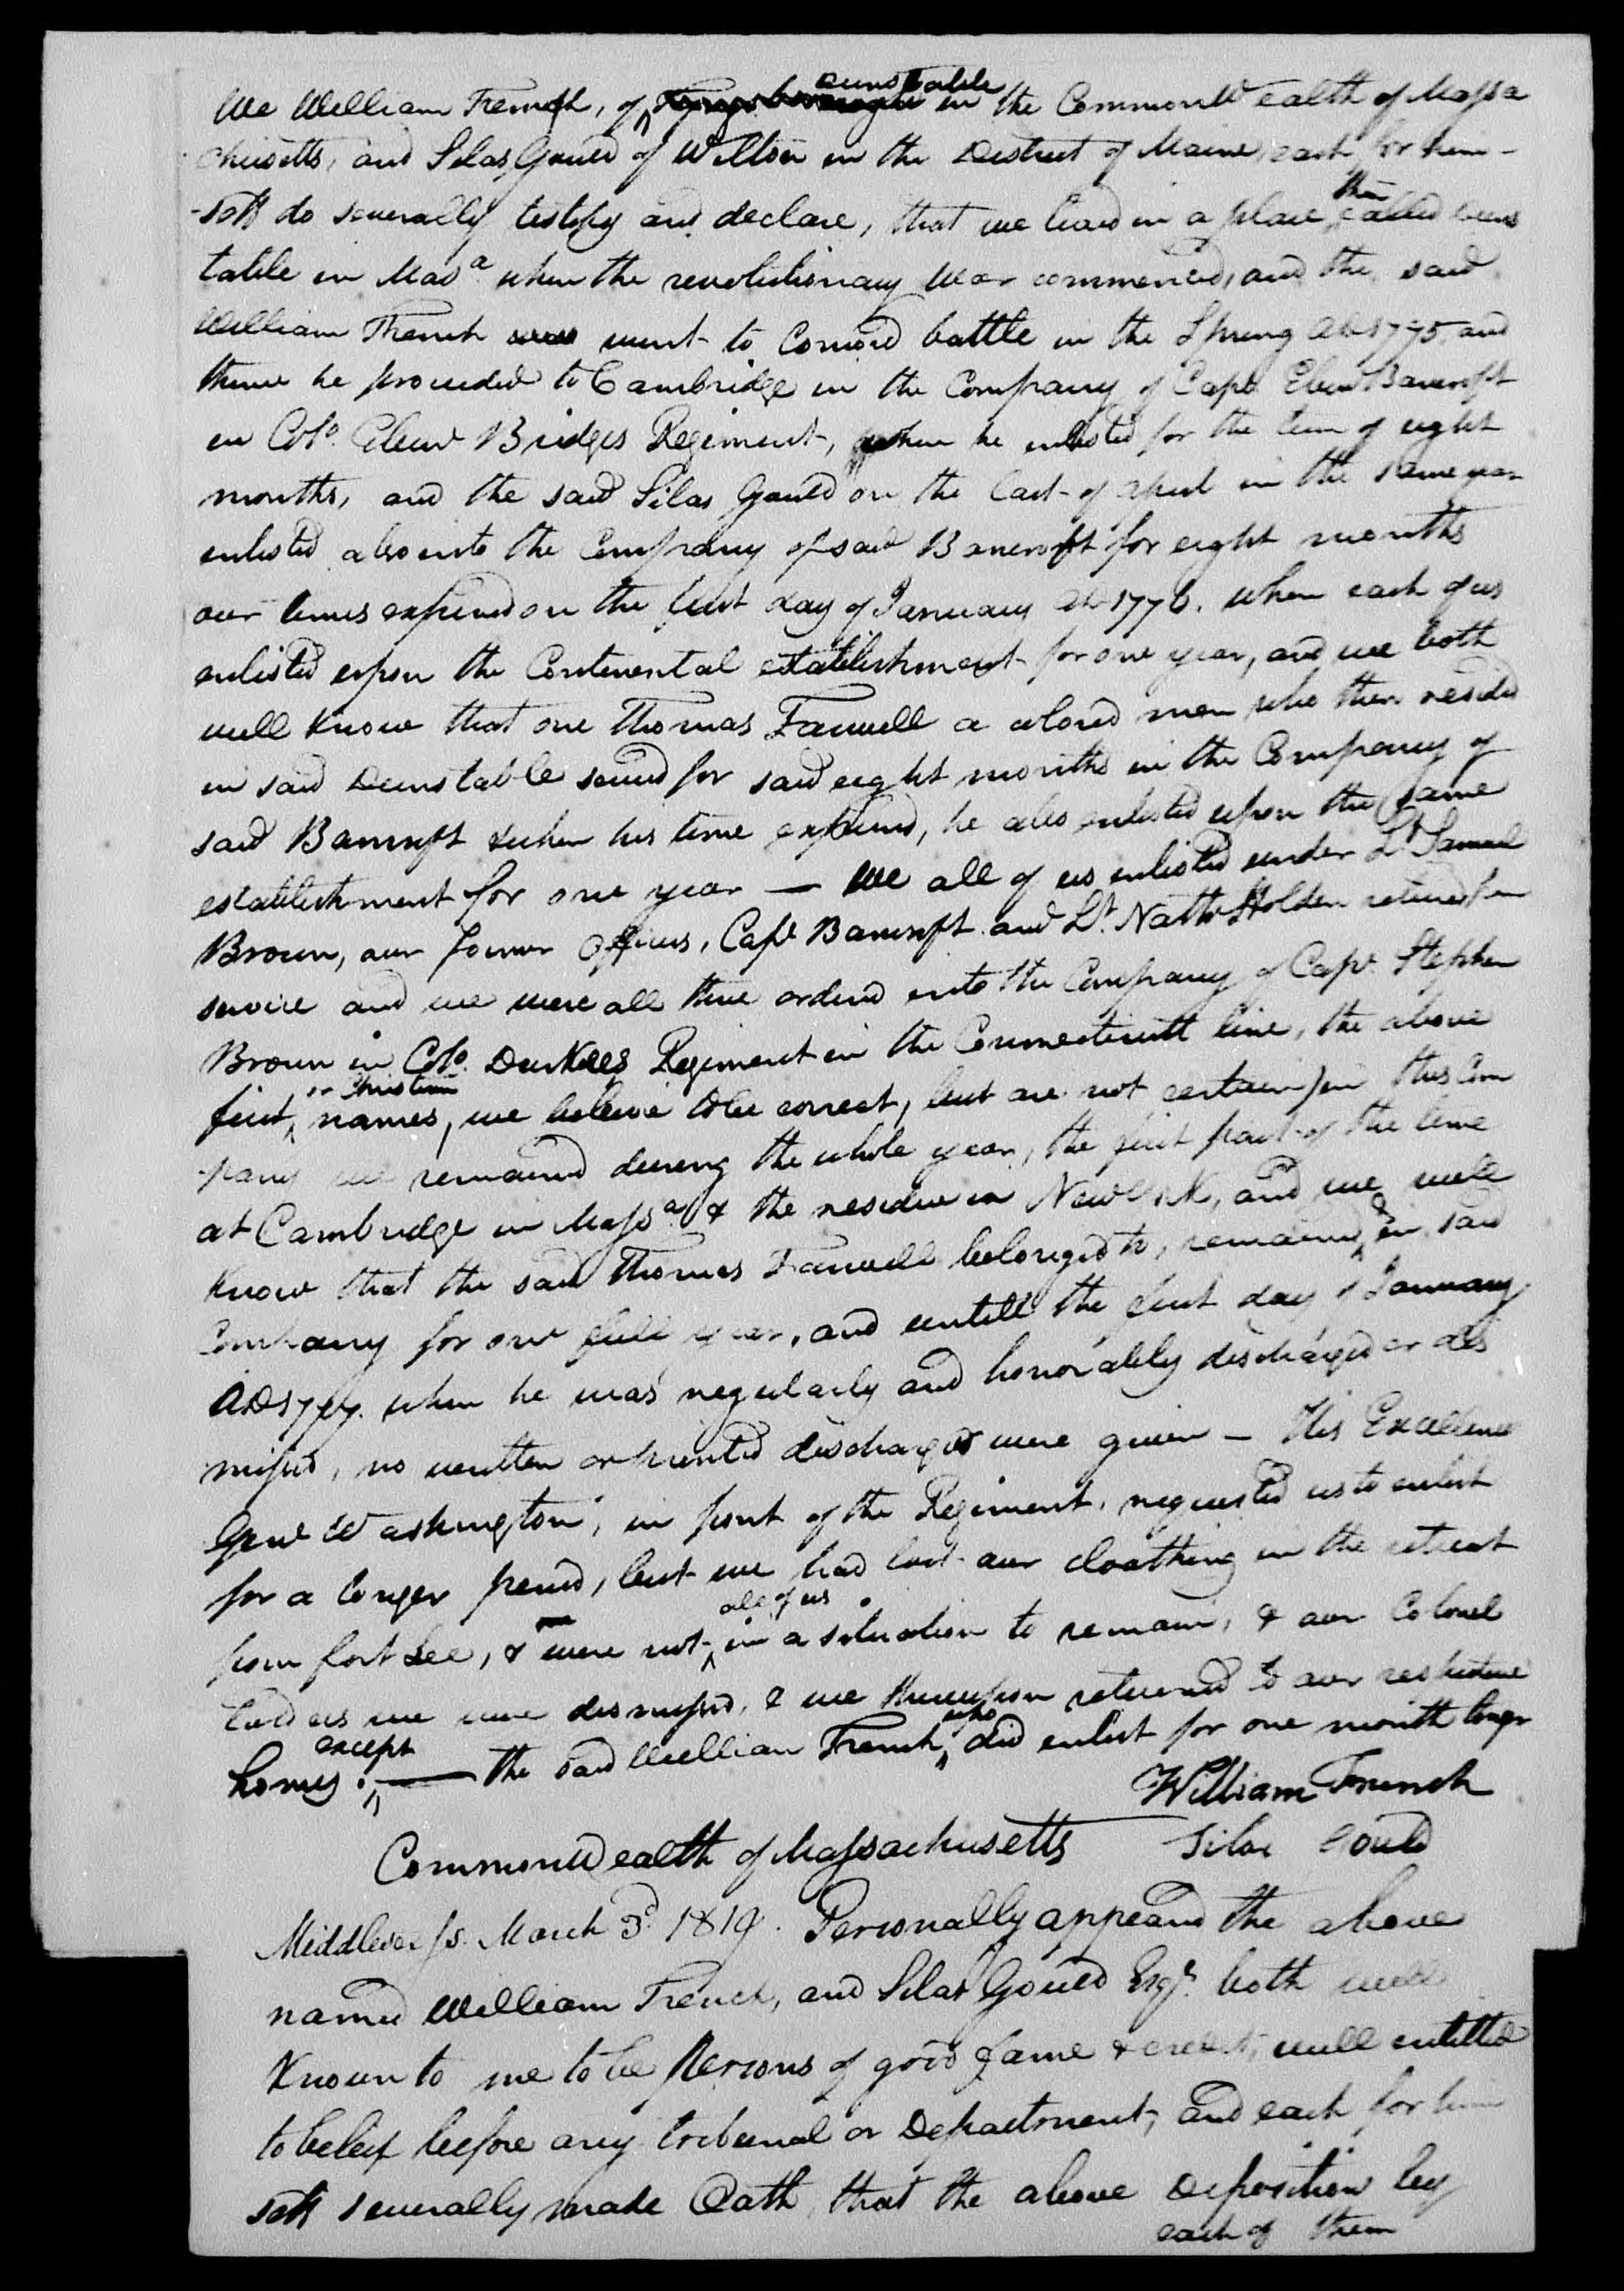We William Fench, of [crossed out] [illegible] in the Commonwealth of Massachusitts, and Silas Gould of Wilton in the District of Maine, each for himself do sincerely testify and declare, that we lived in a place, called Barnstable in Masa when the revolutionary War commenced and the said William Fench [scribbled out] went to [illegible] battle in the Spring [illegible] 1775 and thence he proceeded to Cambridge in the Company of Cap Eben [Ebenezer] Bancroft in Col. Eben [Ebenezer] Bridges Regiment, where he enlisted for the term of eight months, and the said Silas Gould on the Last of April in the same year enlisted also into the Company of said Bancroft for eight months our times expired on the last day of January 1776, when each of us enlisted upon the Continental establishment for one year, and we both well know that one Thomas Farwell a colored man who then resides in said Dunstable [illegible] for said eight months in the Company of said Bancroft when his time expired, he also enlisted upon the same establishment for one year- We all of us enlisted under L. Samul Brown, our former Officers, Capt Bancroft and D. Nath Holden  [illegible] service and we were all there ordered into the Company of Capt. Stephen Brown in Colo. Dewhitts Regiment in the Conneticutt line, the above first [illegible] names, we believe to be correct,  but are not certain in this Company, remained during the whole year, the first part of the line at Cambridge in Massa & the [illegible] in New York, and we well know that the said Tomas Farwell belonged to, remained in said Company for one full year, and untill the first day of January [illegible] 1777, when he was regularly and honorably discharged [illegible] missed, no written or printed discharge was given- His Exallence [illegible] Washington, in part of the Regiment, requested us to [illegible] for a longer [illegible], but we had lost our cloathing in the retreat from Fort Lee, & were not all of us in a situation to remain, & our Colonel [illegible] dismissed, & we thereupon returned to our residence homes. Except the said William Fench, who did enlist for one month [illegible]
William French
Silas Gould
Commonwealth of Massachusetts
Middlesex js March 3. 1819. Personally appears the above named William French, and Silas Gould [illegible] both well known to me to be persons of good [illegible] & credit, well entitled to beleif before any tribunal or Department, and each for himself personally made Oath, that the above Deposition by each of them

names: William French, Silas Gould, Washington, Silas Gould, William Franch, Ebenr Bancroft, Thomas Farwell, Cudas, Bancroft, Thomas Farwell, Silas Gould, Nathe Stollen, William Franch, William Franch, Bancroft, Bancroft, William Franch, Samuel Brown, Wilton, Stephen Brown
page: 17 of 18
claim: survivor's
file: S. 34,831, Thomas Farwell, Conn.